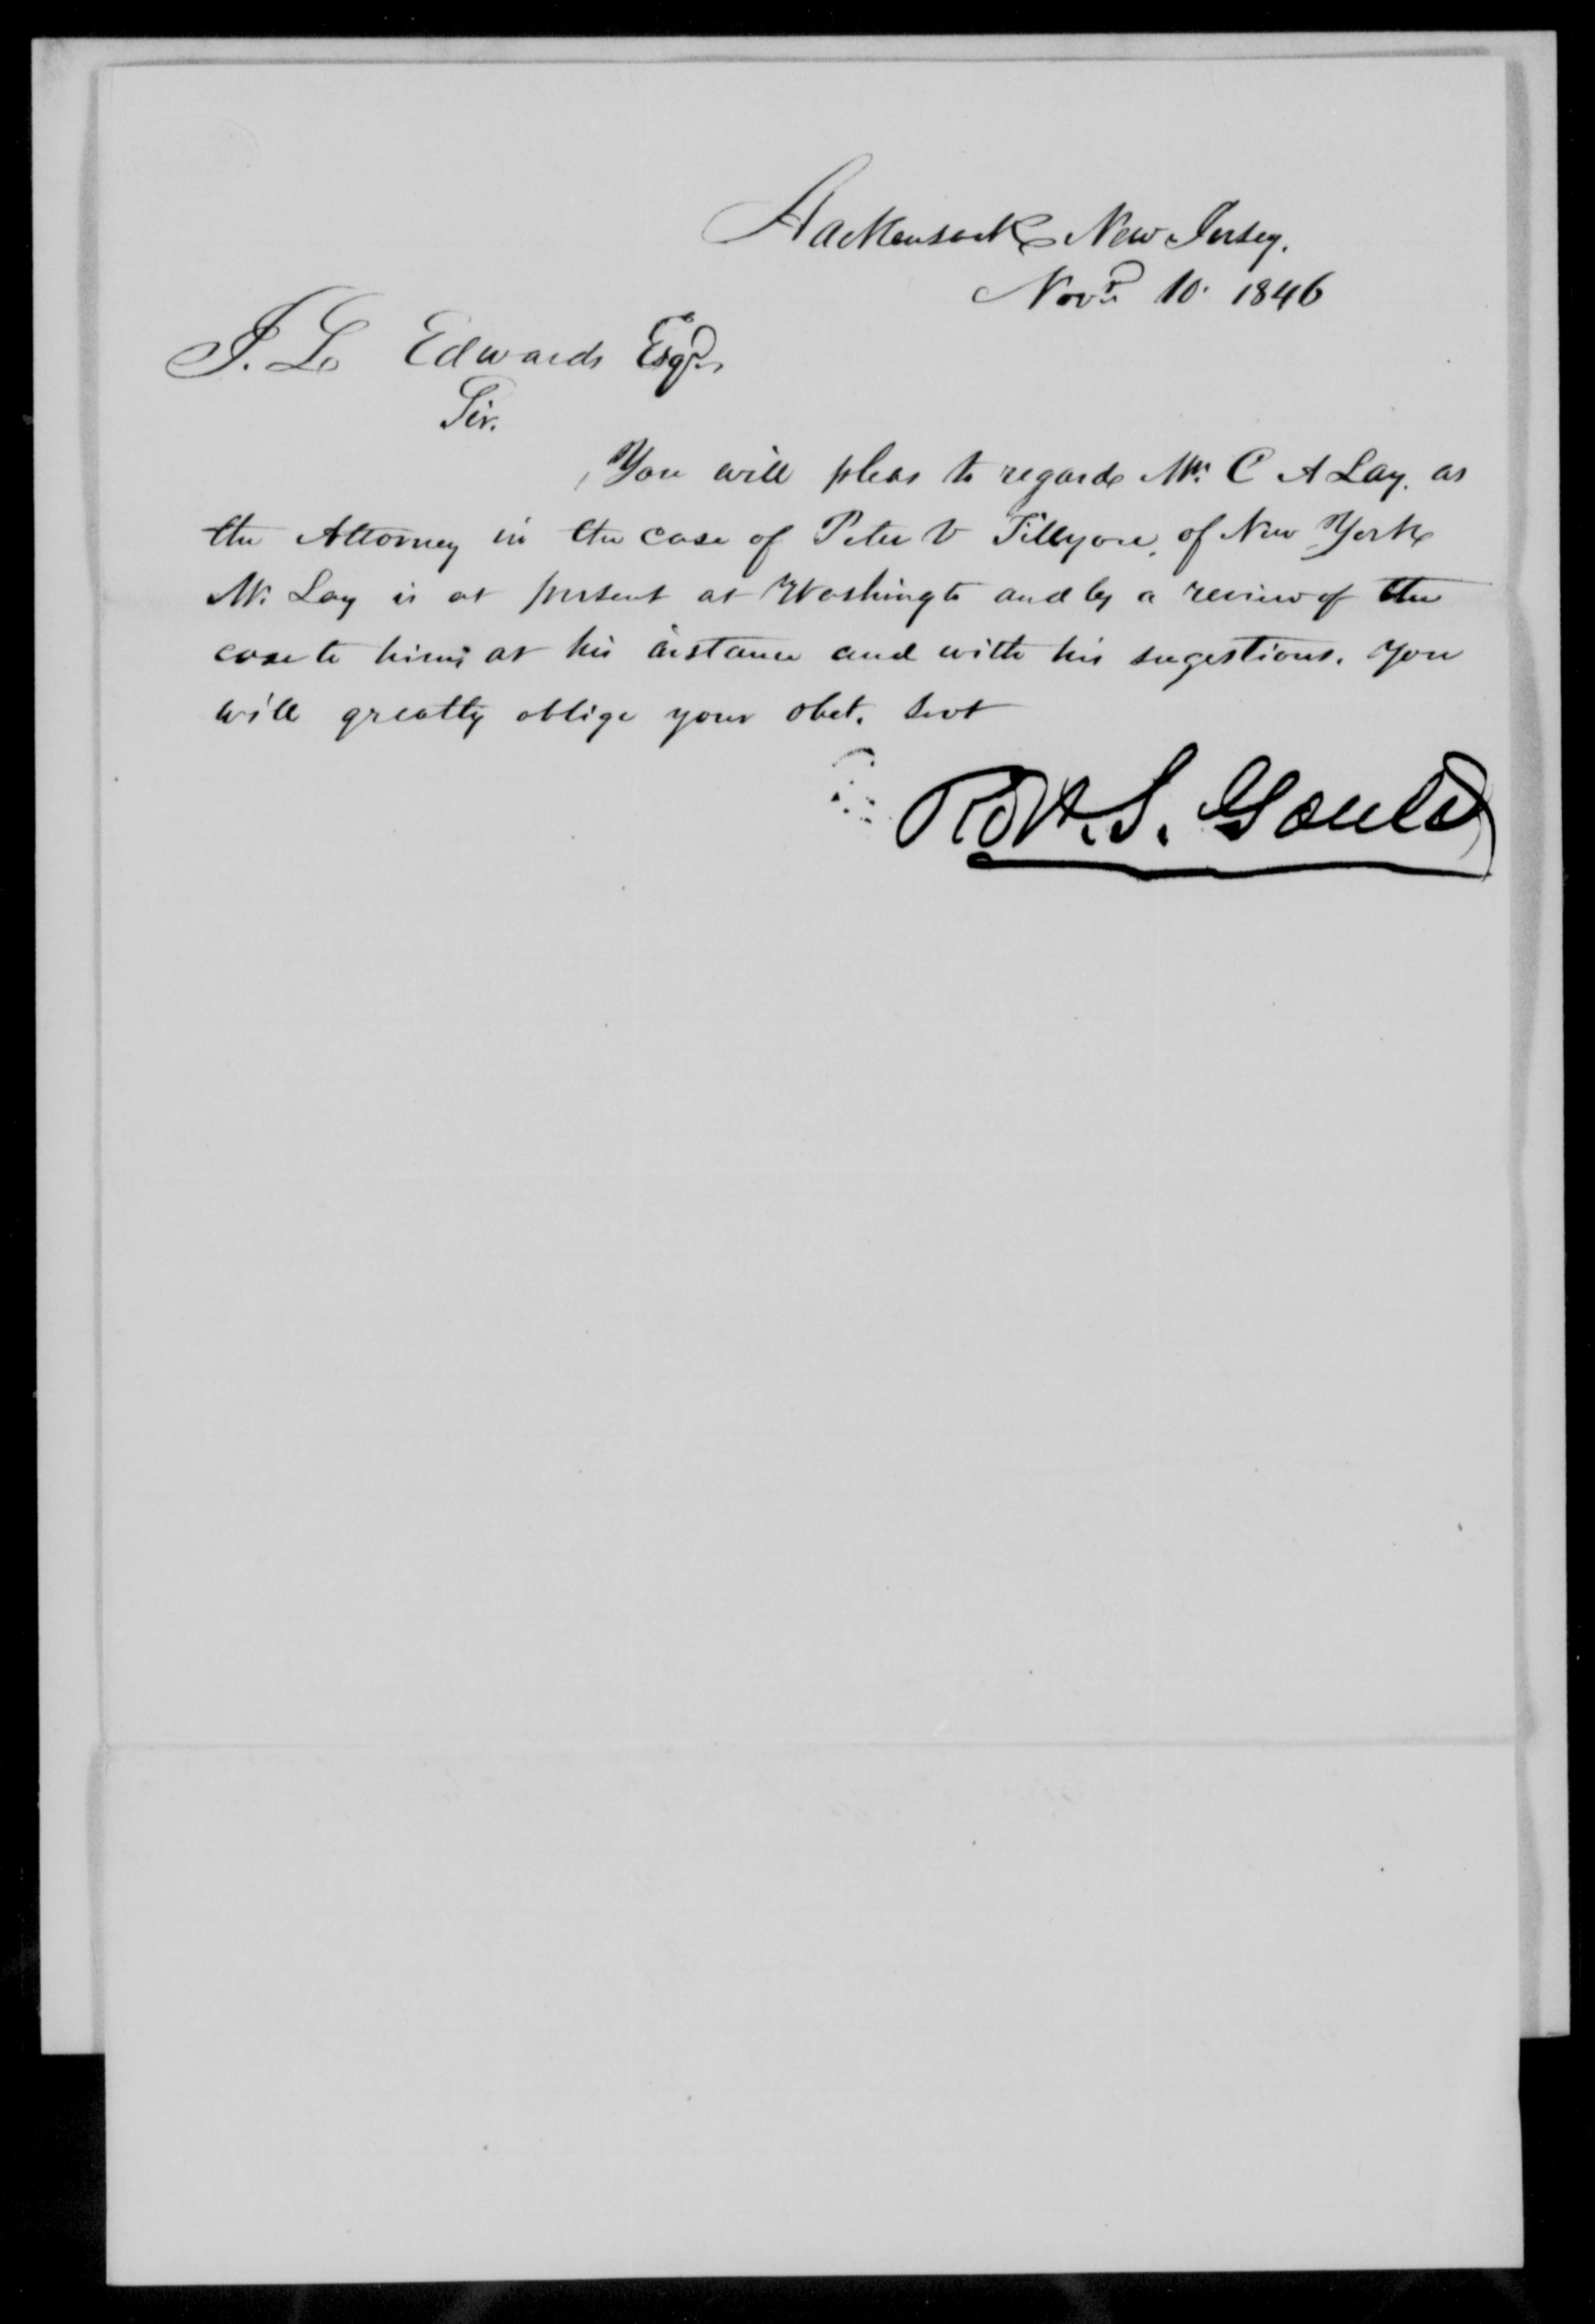Hackensack New Jersey
Nov 10 1846
JL Edward Esq

Sir,

You will please to regard Mr.C A Lay as the Attorney in the case of Peter V. Tillyou of New York. Mr. Lay is at present at Washington and by a review of the case to (illegible) as his assistance and with his sugestions, you will greatly oblige your obed sevt

RVS Gould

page: 70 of 101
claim: widow's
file: W. 25481, for Peter V Tilyou, New Jersey